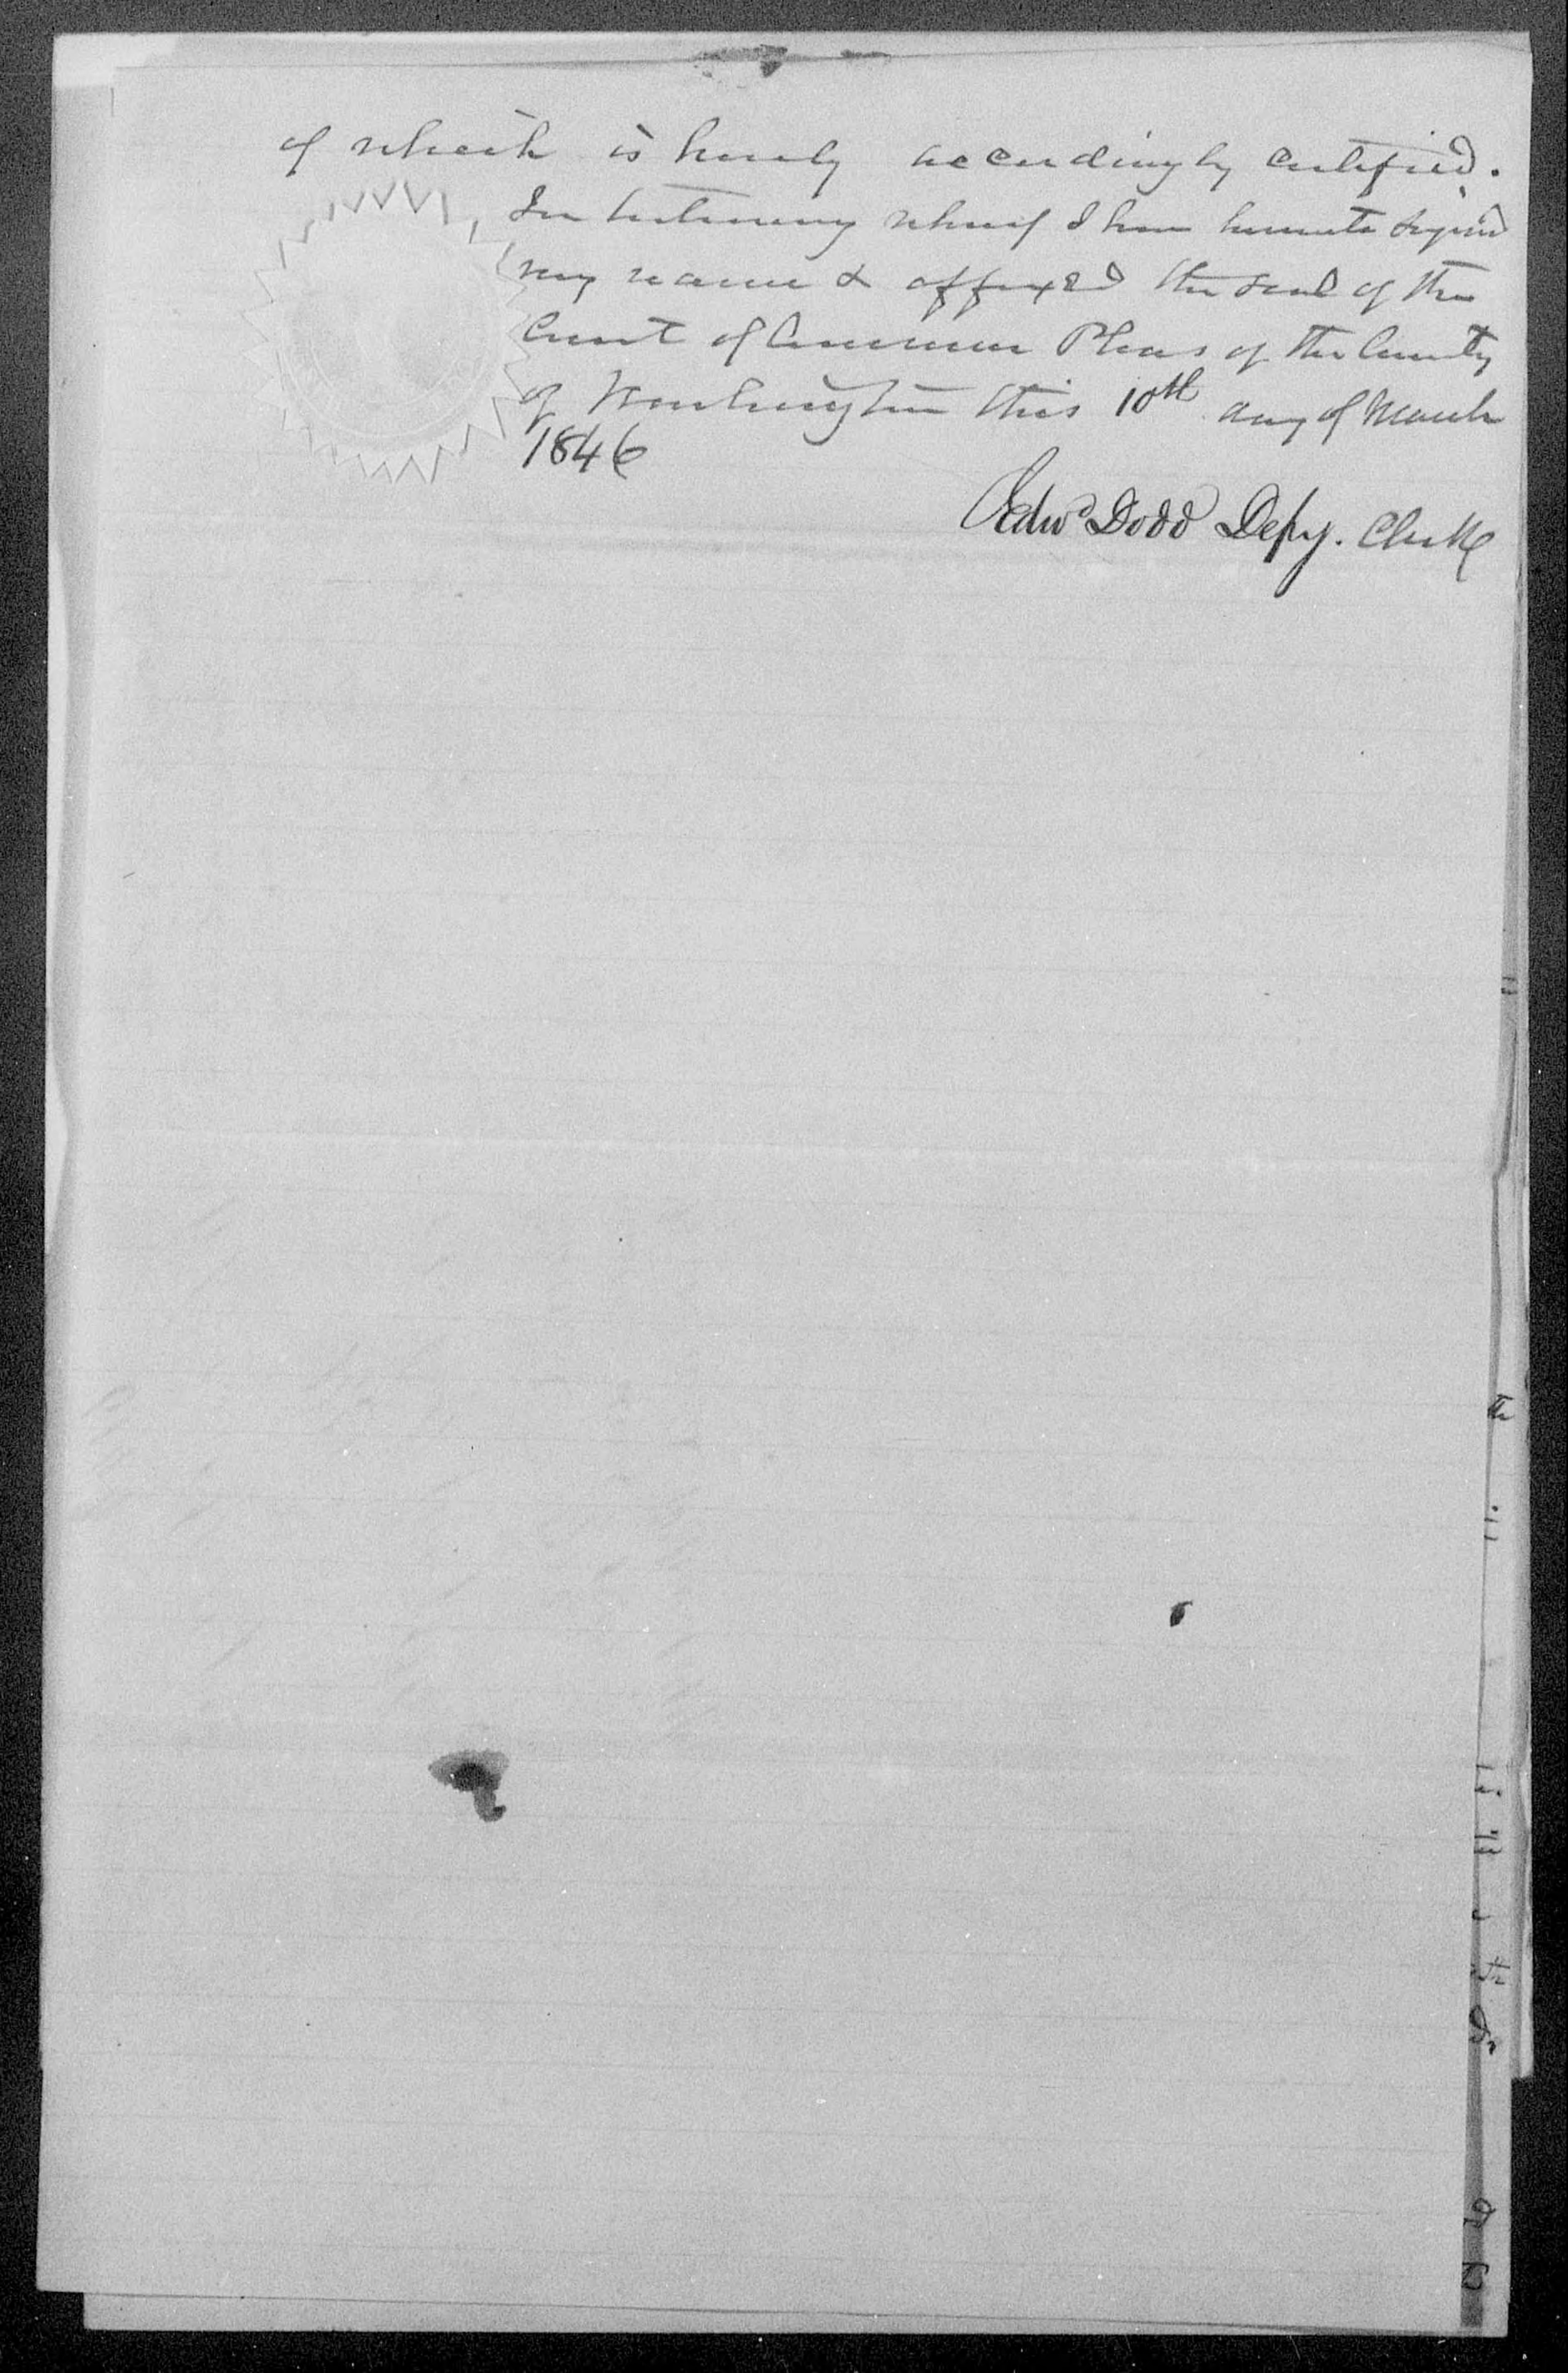of which is hereby accordingly certified.

In testimony whereof I have hereunto signed my name & affixed the seal of the Court of Common Pleas of the County of Washington this 10th day of March 1846
Edwd Dodd Depy. Clerk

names: Edwd Dodd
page: 27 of 51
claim: widow's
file: W. 19,026, Israel Harrington, R.I.